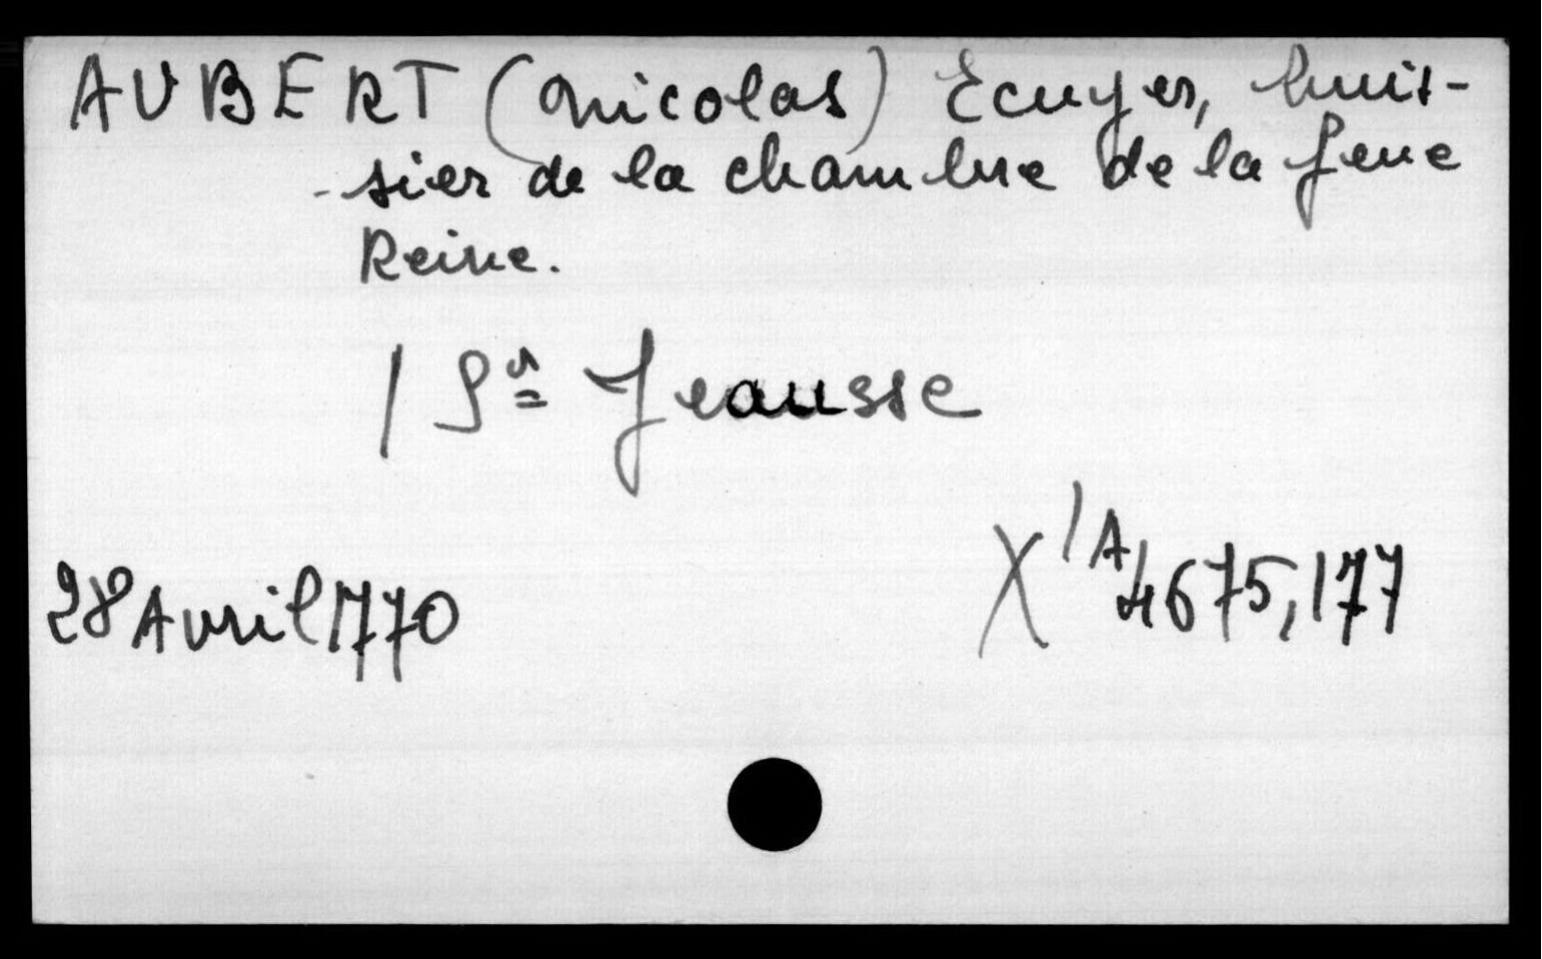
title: AUBERT (Nicolas) Écuyer, huissier de la chambre de la feue Reine.
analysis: Contre Sieur Jeausse
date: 28 avril 1770
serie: X1A
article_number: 4675
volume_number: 177
